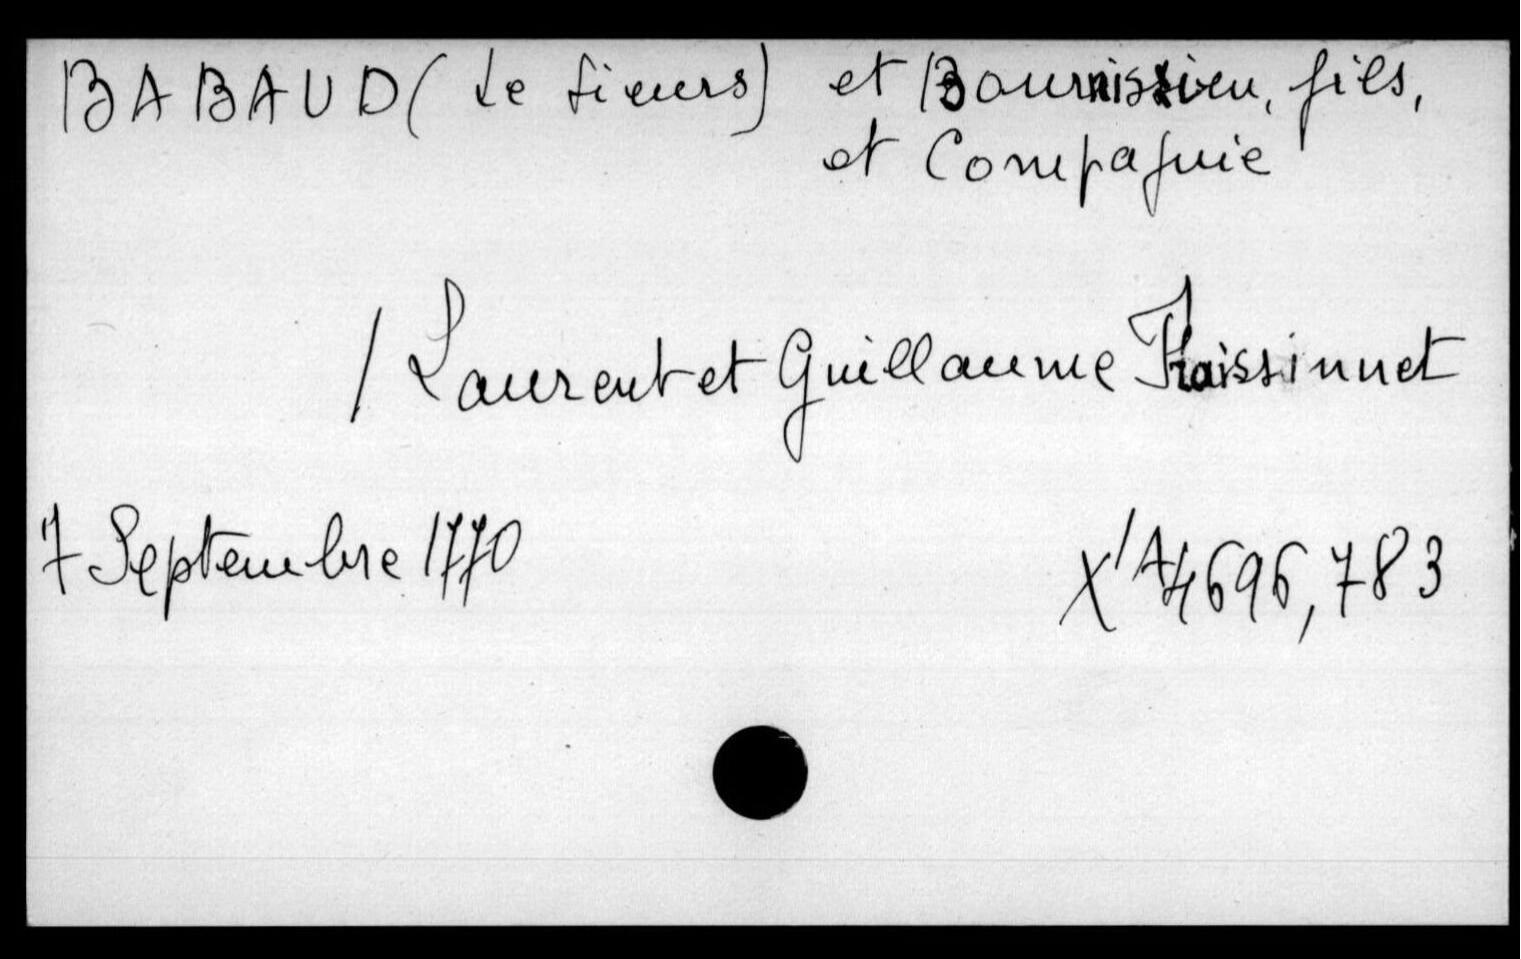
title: BABAUD (Le sieurs) et Baurnissien, fils, et Compagnie
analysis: Contre Laurent et Guillaume Fraissinnet
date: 7 septembre 1770
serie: X1A
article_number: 4696
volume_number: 783
